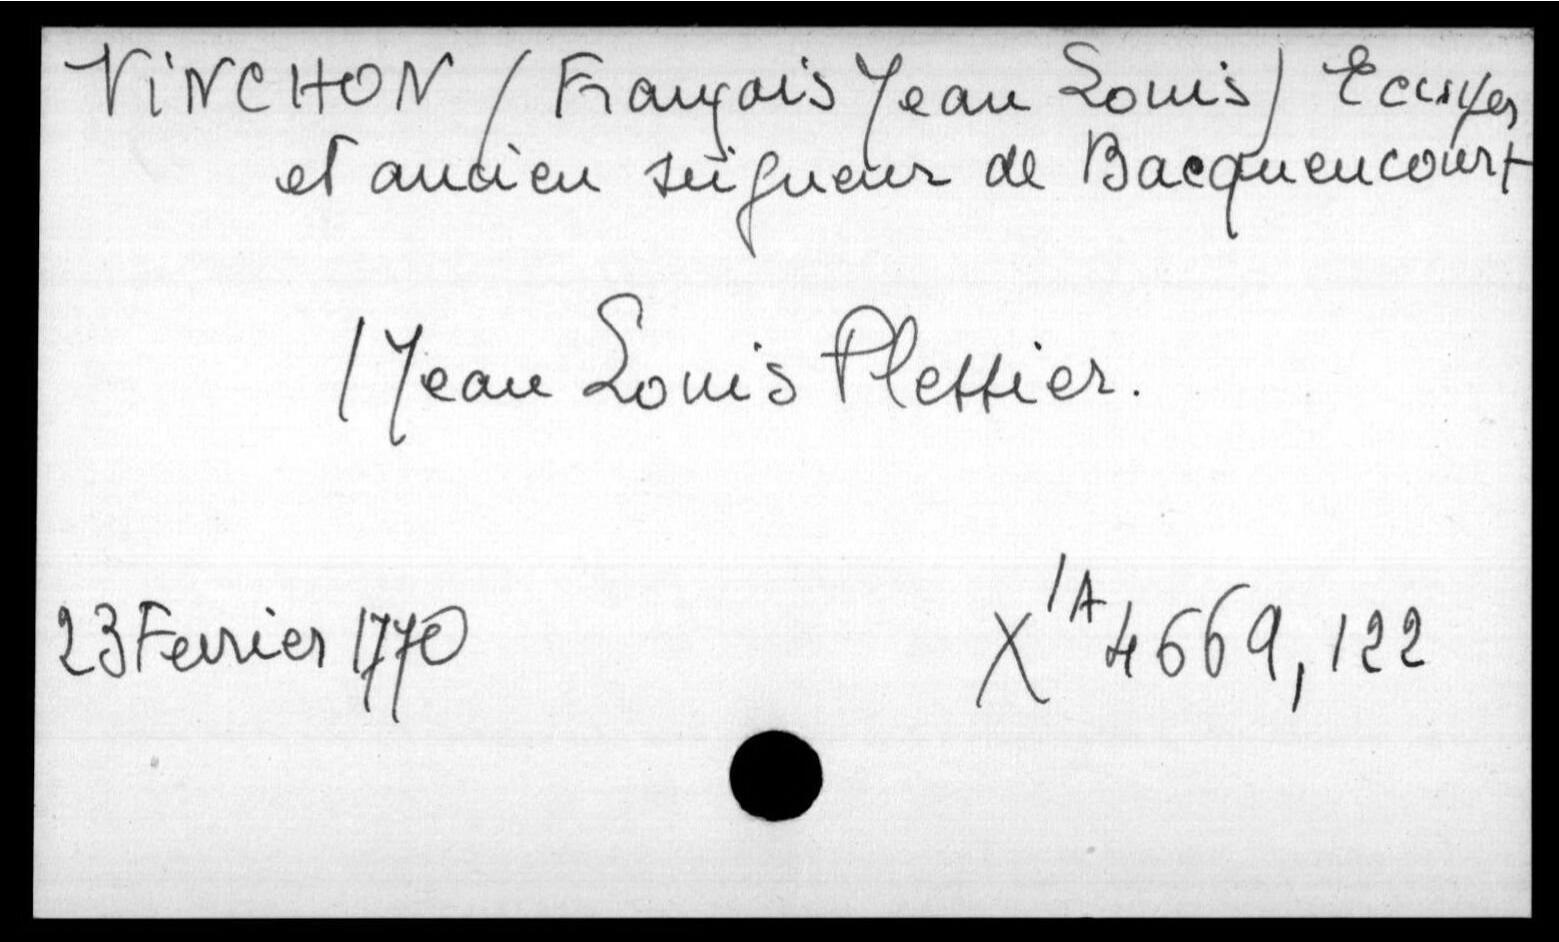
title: VINCHON (François Jean Louis) Écuyer et ancien seigneur de Bacquencourt
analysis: Contre Jean Louis Plessier
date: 23 février 1770
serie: X1A
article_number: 4669
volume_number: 122
